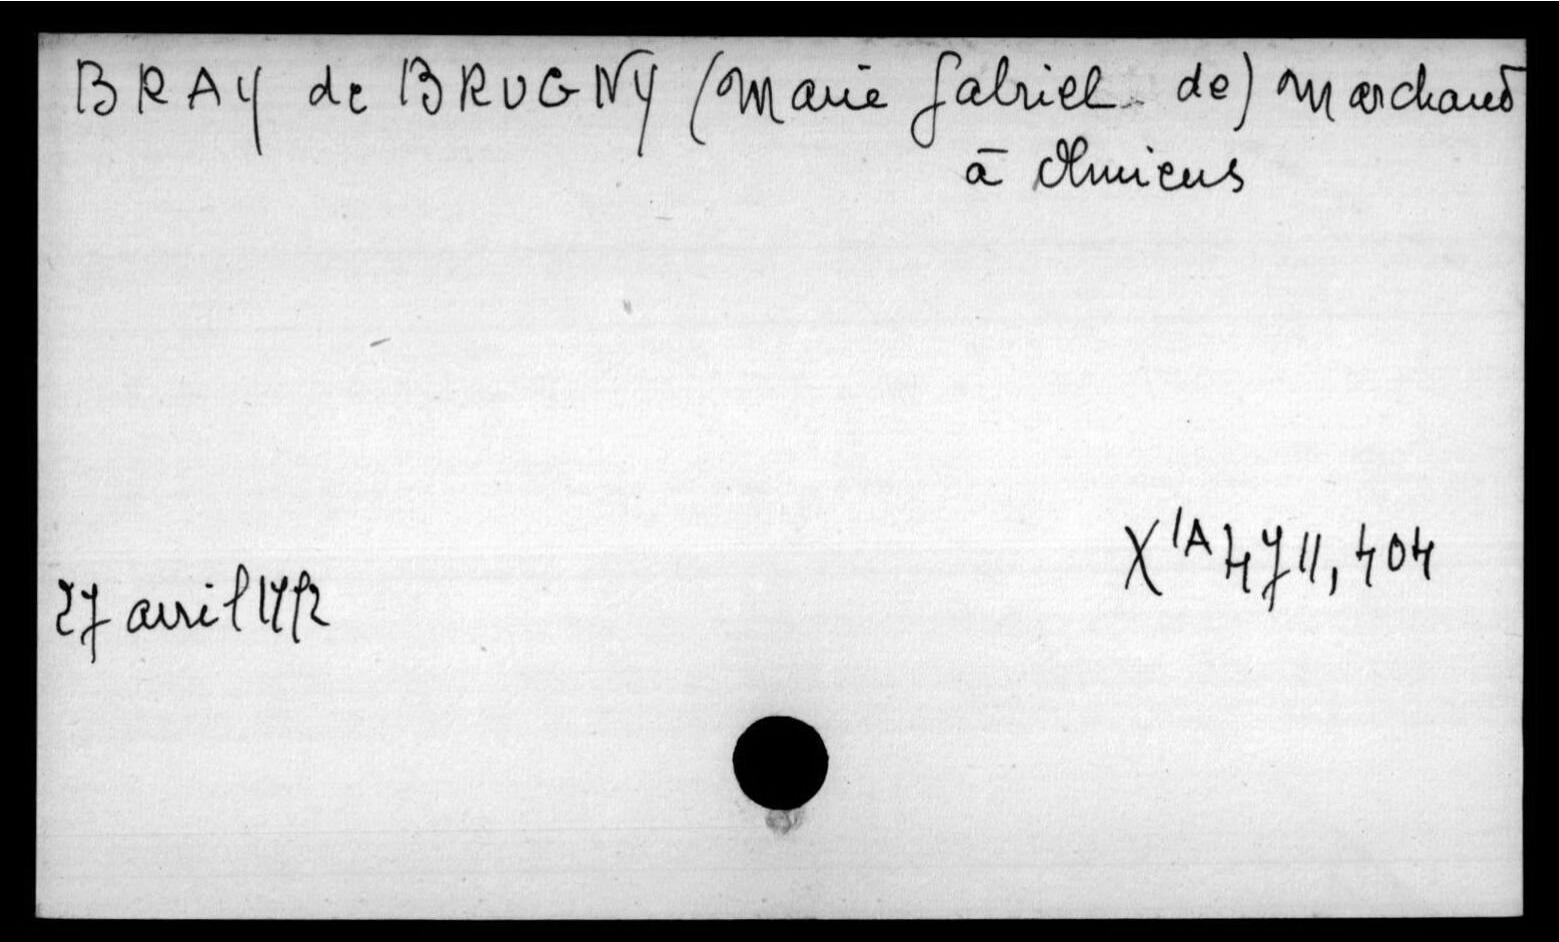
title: BRAY de BRUGNY (Marie Gabriel de) marchand à Amiens
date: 27 avril 1772
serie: X1A
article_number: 4711
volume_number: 404
